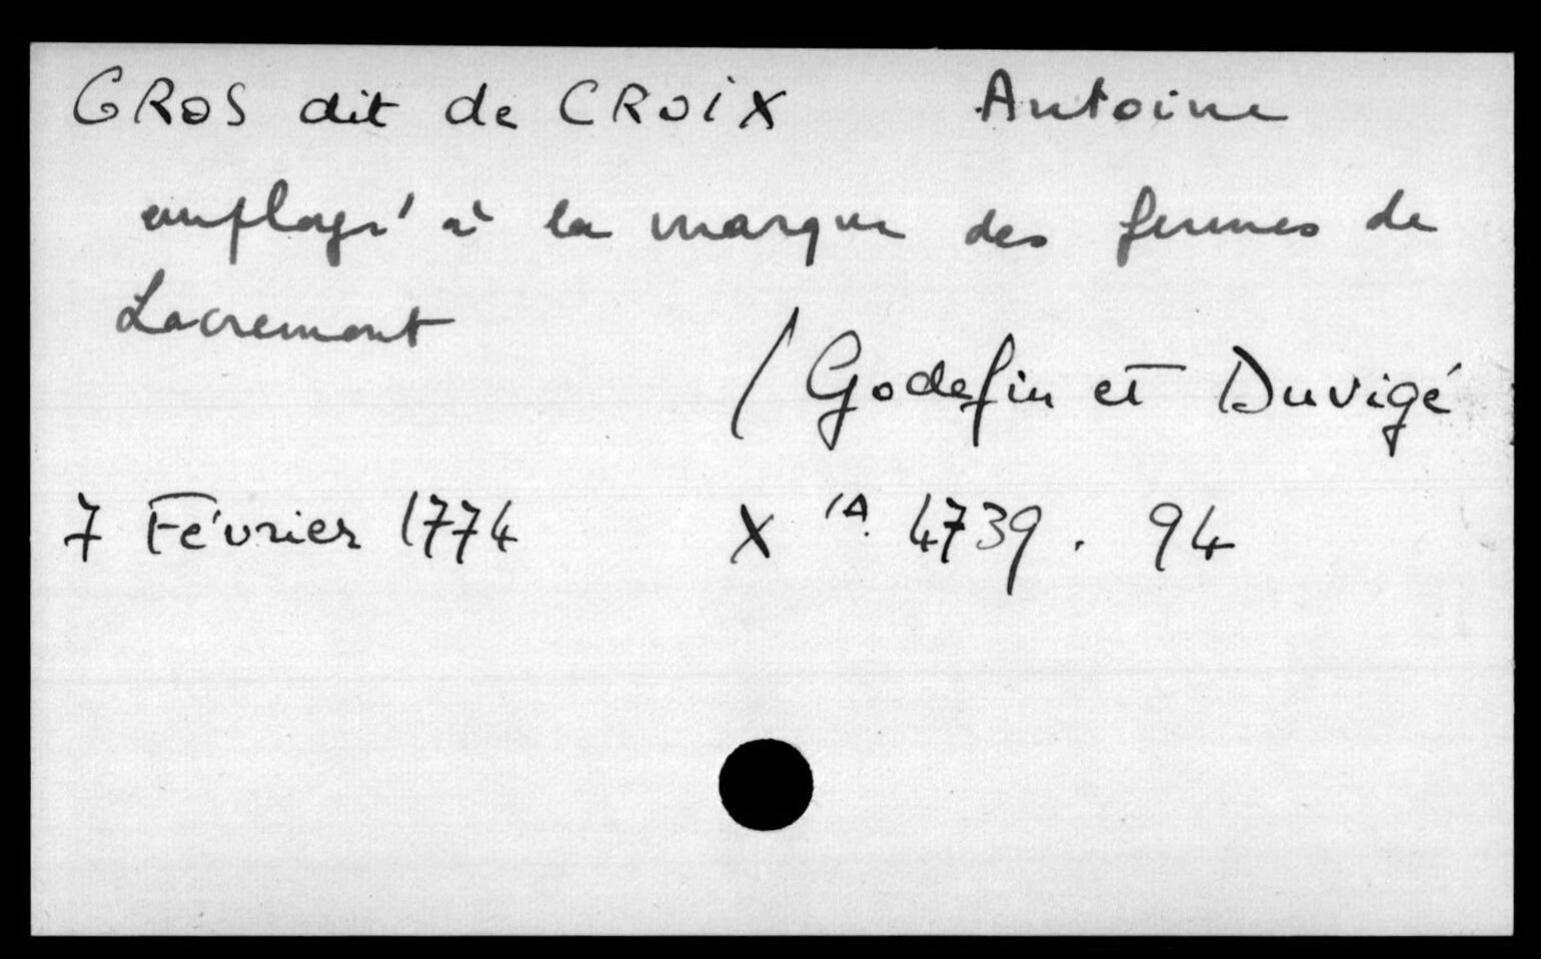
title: GROS dit de CROIX (Antoine), employé à la marque des fermes de Lacremont
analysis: Contre Godefin et Duvigé
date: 7 février 1774
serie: X1A
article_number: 4739
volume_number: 94
